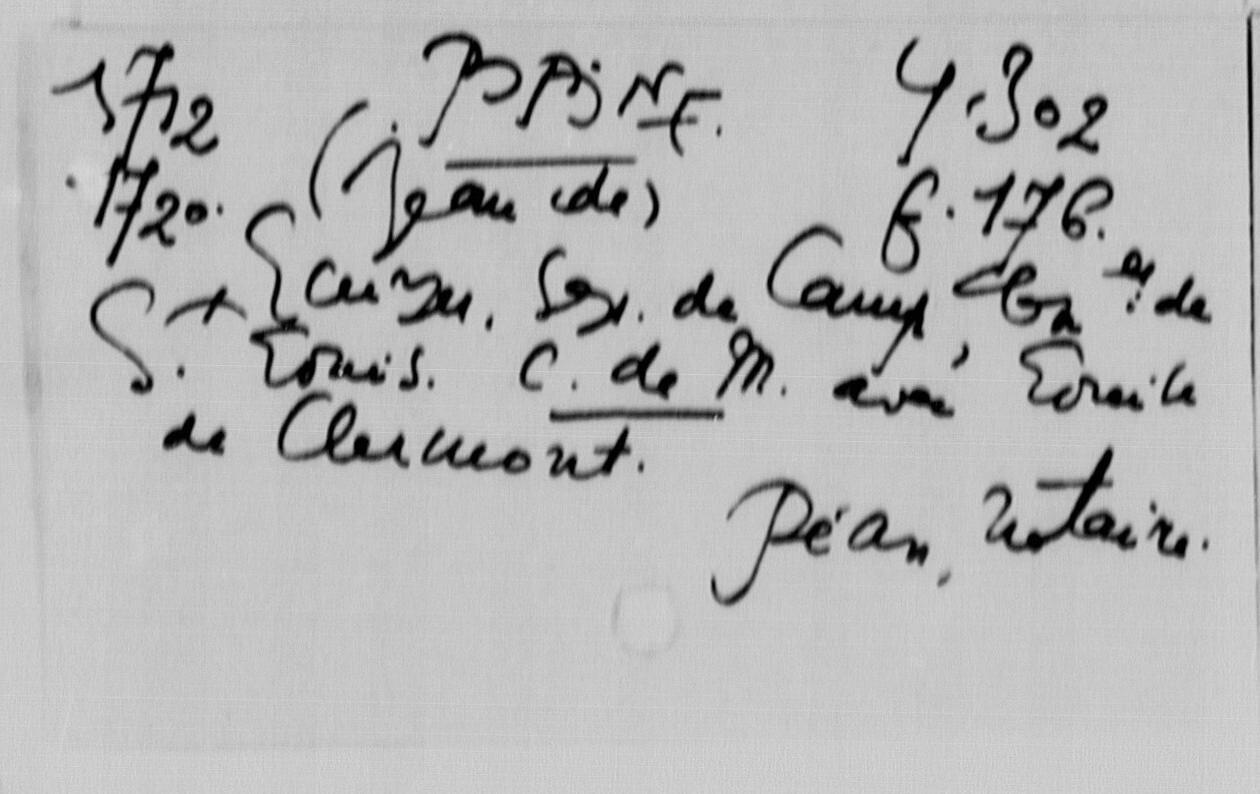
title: BAINE (Jean de)
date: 1712-1720
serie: Y
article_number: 302
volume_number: folio 176
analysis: Ecuyer, seigneur de Camp, chevalier de Saint-Louis. Contrat de mariage avec Éoreile de Clermont. Péan, notaire.
